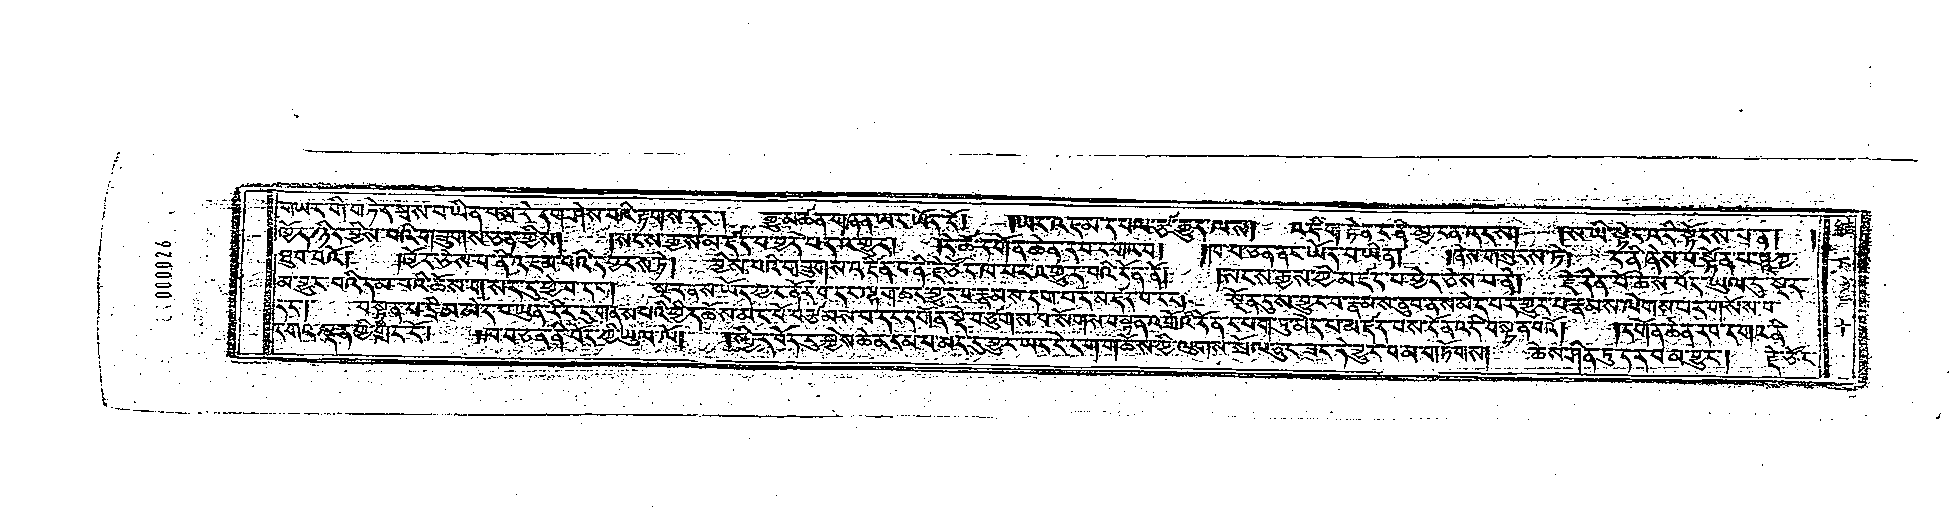གཡང་གི་གཏེར་སྦས་པ་ཡིན་པས་དེ་དག་ཤེས་པའི་རྟགས་དང་། རྒྱུ་མཚན་གཞན་ཡང་ཡོད་ངོ། །ཡང་འཇམ་དཔལ་རྩ་རྒྱུད་ལས། འཇིག་རྟེན་ང་ནི་མྱ་ངན་འདས། །ས་ཡི་སྟེང་འདི་སྟོངས་པ་ན། །
ཁྱོད་ཉིད་བྱིས་པའི་གཟུགས་ཅན་གྱིས། །སངས་རྒྱས་མཛད་པ་བྱེད་པར་འགྱུར། །དེ་ཚེ་དགོན་ཆེན་རབ་དགའ་བ། །ཁ་བ་ཅན་ནང་ཡོད་པ་ཡིན། །ཞེས་གསུངས་ཏེ། ང་ནི་ཞེས་པ་སྟོན་པ་ཤཱཀྱ་
ཐུབ་པའོ། །ཁྱོད་ཅེས་པ་ནི་འཇམ་པའི་དབྱངས་ཏེ། བྱིས་པའི་གཟུགས་འཛིན་པ་ནི་རྗེ་ཙོང་ཁ་པར་འགྱུར་བའི་དོན་ནོ། །སངས་རྒྱས་ཀྱི་མཛད་པ་བྱེད་ཅེས་པ་ནི། རྗེ་རིན་པོ་ཆེས་བོད་ཡུལ་དུ་སྔར་
མ་བྱུང་བའི་དམ་པའི་ཆོས་གསར་དུ་ཕྱེ་བ་དང་། སྔར་ནས་ཡོད་ཀྱང་ནོར་བ་དང་ལྷག་ཆད་བྱུང་བ་རྣམས་དག་པར་མཛད་པ་དང་། སྔོན་དུས་བྱུང་བ་རྣམས་ནུབ་ནས་མེད་པར་གྱུར་པ་རྣམས་ལེགས་པར་གསོས་པ་
དང་། བསྟན་པ་དྲི་མ་མེད་པ་ཡུན་རིང་དུ་གནས་པའི་ཕྱིར་ཆོས་མང་པོ་བརྩམས་པ་དང་དགོན་སྡེ་བཙུགས་པ་སོགས་བསྟན་འགྲོའི་དོན་དཔག་ཏུ་མེད་པ་མཛད་པས་དོན་འདི་བསྟན་པའོ། །དགོན་ཆེན་རབ་དགའ་ནི་
དགའ་ལྡན་གྱི་གླིང་ངོ། །ཁ་བ་ཅན་ནི་བོད་ཀྱི་ཡུལ་ལོ། །སྤྱིར་བོད་དུ་སྐྱེས་ཆེན་དམ་པ་མང་དུ་བྱུང་ཡང་དེ་དག་གི་ཆོས་ཀྱི་ལུགས་སྲོལ་ཅུང་ཟད་དེ་བྱུང་བ་མ་གཏོགས། ཆོས་ཤིན་ཏུ་དར་བ་མ་བྱུང་། རྗེ་ཙོང་